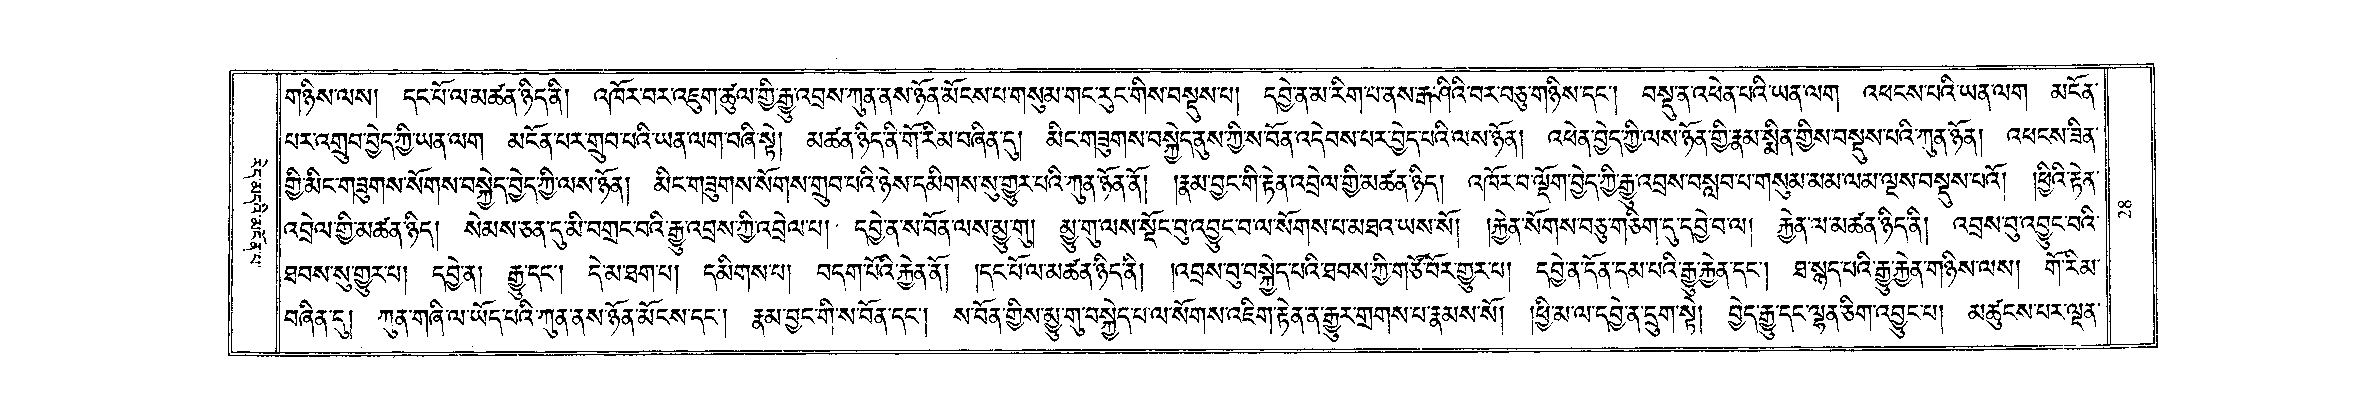གཉིས་ལས། དང་པོ་ལ་མཚན་ཉིད་ནི། འཁོར་བར་འཇུག་ཚུལ་གྱི་རྒྱུ་འབྲས་ཀུན་ནས་ཉོན་མོངས་པ་གསུམ་གང་རུང་གིས་བསྡུས་པ། དབྱེ་ན་མ་རིག་པ་ནས་རྒ་ཤིའི་བར་བཅུ་གཉིས་དང་། བསྡུ་ན་འཕེན་པའི་ཡན་ལག་འཕངས་པའི་ཡན་ལག་མངོན་
པར་འགྲུབ་བྱེད་ཀྱི་ཡན་ལག་མངོན་པར་གྲུབ་པའི་ཡན་ལག་བཞི་སྟེ། མཚན་ཉིད་ནི་གོ་རིམ་བཞིན་དུ། མིང་གཟུགས་བསྐྱེད་ནུས་ཀྱི་ས་བོན་འདེབས་པར་བྱེད་པའི་ལས་ཉོན། འཕེན་བྱེད་ཀྱི་ལས་ཉོན་གྱི་རྣམ་སྨིན་གྱིས་བསྡུས་པའི་ཀུན་ཉོན། འཕངས་ཟིན་
གྱི་མིང་གཟུགས་སོགས་བསྐྱེད་བྱེད་ཀྱི་ལས་ཉོན། མིང་གཟུགས་སོགས་གྲུབ་པའི་ཉེས་དམིགས་སུ་གྱུར་པའི་ཀུན་ཉོན་ནོ། །རྣམ་བྱང་གི་རྟེན་འབྲེལ་གྱི་མཚན་ཉིད། འཁོར་བ་ལྡོག་བྱེད་ཀྱི་རྒྱུ་འབྲས་བསླབ་པ་གསུམ་མམ་ལམ་ལྔས་བསྡུས་པའོ། །ཕྱིའི་རྟེན་
འབྲེལ་གྱི་མཚན་ཉིད། སེམས་ཅན་དུ་མི་བགྲང་བའི་རྒྱུ་འབྲས་ཀྱི་འབྲེལ་པ། དབྱེ་ན་ས་བོན་ལས་མྱུ་གུ། མྱུ་གུ་ལས་སྡོང་བུ་འབྱུང་བ་ལ་སོགས་པ་མཐའ་ཡས་སོ། །རྐྱེན་སོགས་བཅུ་གཅིག་དུ་དབྱེ་བ་ལ། རྐྱེན་ལ་མཚན་ཉིད་ནི། འབྲས་བུ་འབྱུང་བའི་
ཐབས་སུ་གྱུར་པ། དབྱེ་ན། རྒྱུ་དང་། དེ་མ་ཐག་པ། དམིགས་པ། བདག་པོའི་རྐྱེན་ནོ། །དང་པོ་ལ་མཚན་ཉིད་ནི། །འབྲས་བུ་བསྐྱེད་པའི་ཐབས་ཀྱི་གཙོ་བོར་གྱུར་པ། དབྱེ་ན་དོན་དམ་པའི་རྒྱུ་རྐྱེན་དང་། ཐ་སྙད་པའི་རྒྱུ་རྐྱེན་གཉིས་ལས། གོ་རིམ་
བཞིན་དུ། ཀུན་གཞི་ལ་ཡོད་པའི་ཀུན་ནས་ཉོན་མོངས་དང་། རྣམ་བྱང་གི་ས་བོན་དང་། ས་བོན་གྱིས་མྱུ་གུ་བསྐྱེད་པ་ལ་སོགས་འཇིག་རྟེན་ན་རྒྱུར་གྲགས་པ་རྣམས་སོ། །ཕྱི་མ་ལ་དབྱེ་ན་དྲུག་སྟེ། བྱེད་རྒྱུ་དང་ལྷན་ཅིག་འབྱུང་པ། མཚུངས་པར་ལྡན་